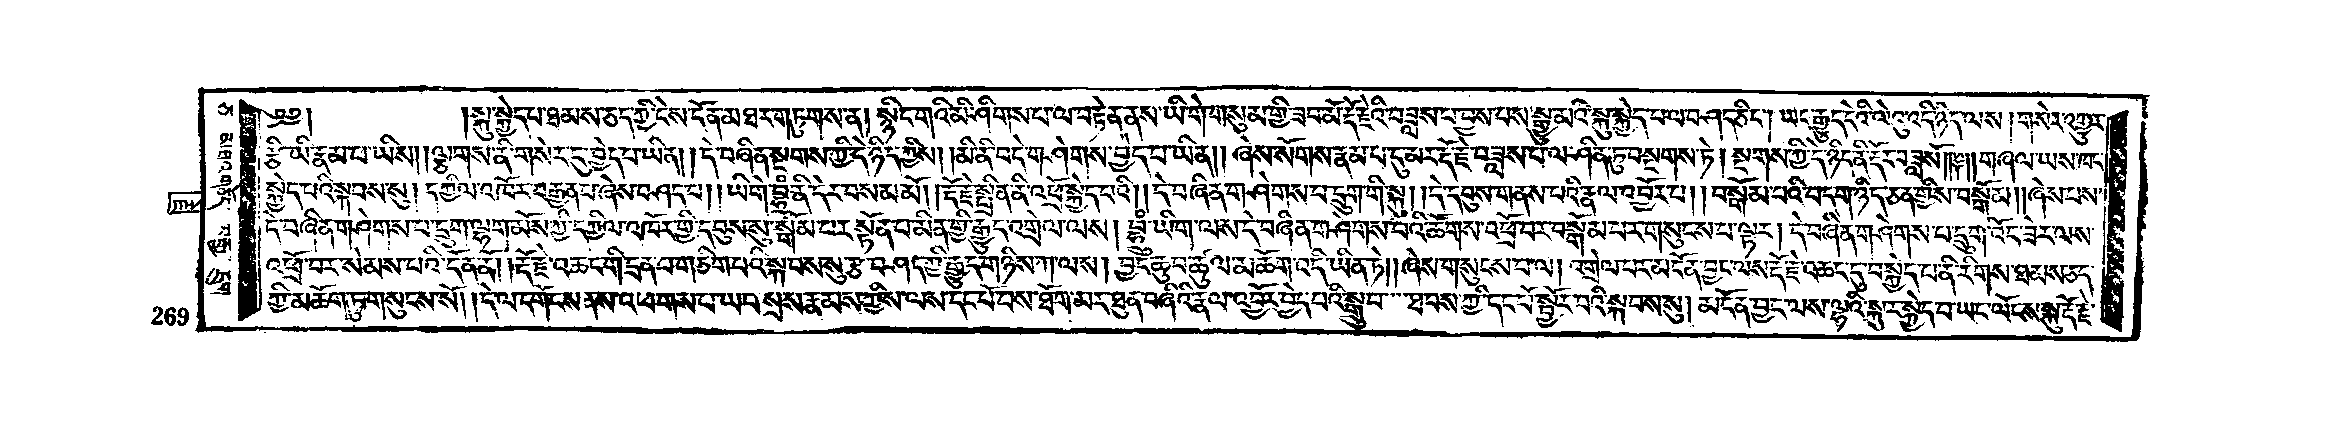༄༅། །སྐུ་སྐྱེད་པ་ཐམས་ཅད་ཀྱི་ངེས་དོན་མཐར་གཏུགས་ན། སྙིང་གའི་མི་ཤིགས་པ་ལ་བརྟེན་ནས་ཡི་གེ་གསུམ་གྱི་ཟབ་མོ་རྡོ་རྗེའི་བཟླས་པ་བྱས་པས་སྒྱུ་མའི་སྐུ་སྐྱེད་པ་ལ་བཤད་ཅིང་། ཡང་རྒྱུད་དེའི་ལེའུ་འདི་ཉིད་ལས། གསེར་འགྱུར་
རྩི་ཡི་རྣམ་པ་ཡིས། །ལྕགས་ནི་གསེར་དུ་བྱེད་པ་ཡིན། །དེ་བཞིན་སྔགས་ཀྱི་དེ་ཉིད་ཀྱིས། །མི་ནི་བདེ་གཤེགས་བྱེད་པ་ཡིན། །ཞེས་སོགས་རྣམ་པ་དུ་མར་རྡོ་རྗེ་བཟླས་པ་ལ་ཤིན་ཏུ་བསྔགས་ཏེ། སྔགས་ཀྱི་དེ་ཉིད་ནི་རྡོར་བཟླས།། ༈ །།གཞལ་ཡས་ཁང་
སྐྱེད་པའི་སྐབས་སུ། དཀྱིལ་འཁོར་བརྒྱན་པ་ཞེས་བཤད་པ། །ཡི་གེ་བྷྲཾ་ནི་དེར་བསམ་མོ། །རྡོ་རྗེ་སྤྲིན་ནི་འཕྲོ་སྐྱེད་པའི། །དེ་བཞིན་གཤེགས་པ་དྲུག་གི་སྐུ། །དེ་དབུས་གནས་པའི་རྣལ་འབྱོར་པ། །བསྒོམ་པའི་བདག་ཉིད་ཅན་གྱིས་བསྒོམ། །ཞེས་པས་
དེ་བཞིན་གཤེགས་པ་དྲུག་ལྷག་མོས་ཀྱི་དཀྱིལ་འཁོར་གྱི་དབུས་སུ་སྒོམ་པར་སྟོན་པ་མིན་གྱི་རྒྱུད་འགྲེལ་ལས། བྷྲུཾ་ཡིག་ལས་དེ་བཞིན་གཤེགས་པའི་ཚོགས་འཕྲོ་བར་བསྒོམ་པར་གསུངས་པ་ལྟར། དེ་བཞིན་གཤེགས་པ་དྲུག་འོད་ཟེར་ལས་
འཕྲོ་བར་སེམས་པའི་དོན་ནོ། །རྡོ་རྗེ་འཆང་གི་དྲན་པ་གཅིག་པའི་སྐབས་སུ་རྩ་བཤད་ཀྱི་རྒྱུད་གཉིས་ཀ་ལས། བྱང་ཆུབ་ཚུལ་མཆོག་འདི་ཡིན་ཏེ། །ཞེས་གསུངས་པ་ལ། འགྲེལ་པར་མངོན་བྱང་ལས་རྡོ་རྗེ་འཆང་དུ་བསྐྱེད་པ་ནི་རིགས་ཐམས་ཅད་
ཀྱི་མཆོག་ཏུ་གསུངས་སོ། །དེ་ལ་དགོངས་ནས་འཕགས་པ་ཡབ་སྲས་རྣམས་ཀྱིས་ལས་དང་པོ་པས་ཐོག་མར་ཐུན་བཞིའི་རྣལ་འབྱོར་བྱེད་པའི་སྒྲུབ་ཐབས་ཀྱི་དང་པོ་སྦྱོར་བའི་སྐབས་སུ། མངོན་བྱང་ལས་ལྷའི་སྐུར་སྐྱེད་པ་ཡང་ལོངས་སྐུ་རྡོ་རྗེ་